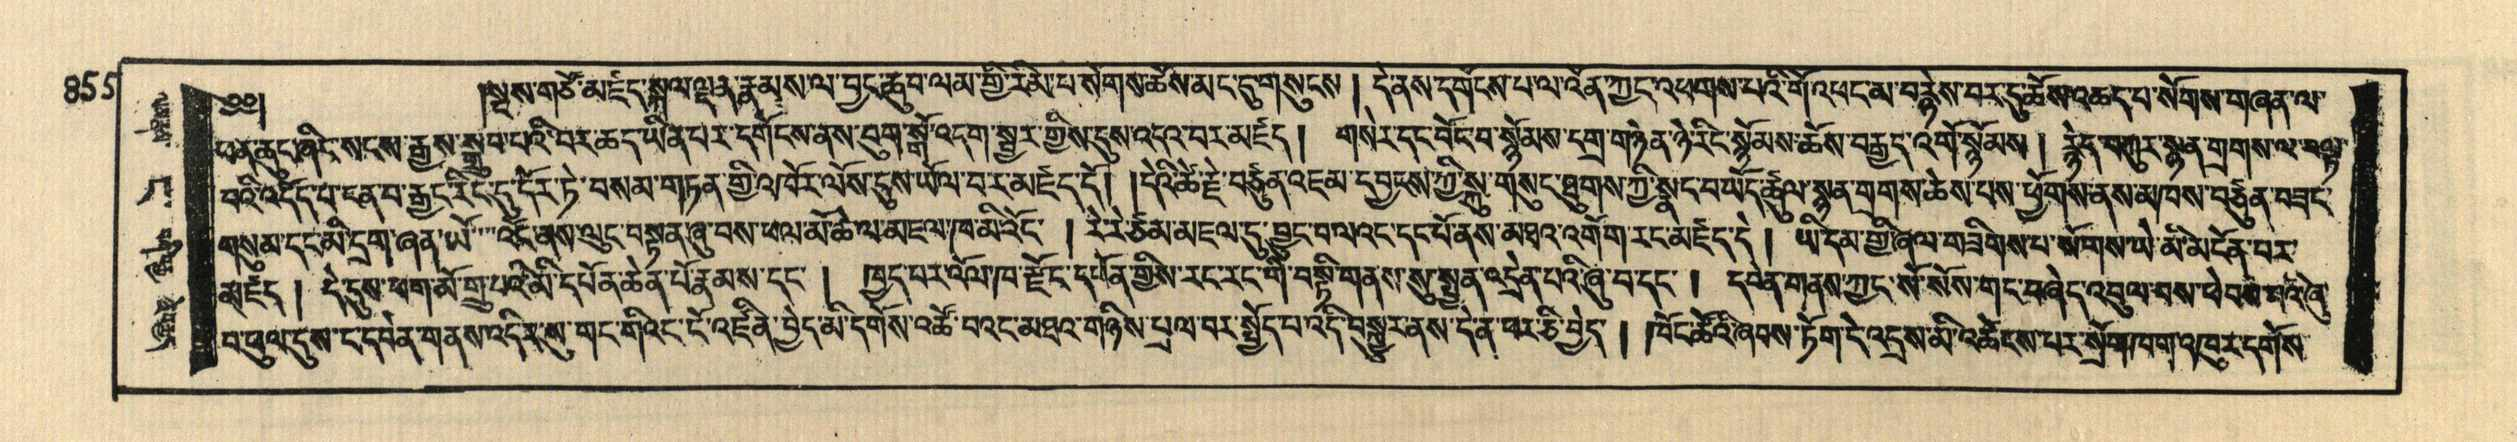༄༅། །སྔས་གཙོ་མཛད་སྐལ་ལྡན་རྣམས་ལ་བྱང་ཆུབ་ལམ་གྱི་རིམ་པ་སོགས་ཆོས་མང་དུ་གསུངས། དེ་ནས་དགོངས་པ་ལ་འོན་ཀྱང་འཕགས་པའི་གོ་འཕང་མ་བརྙེས་བར་དུ་ཆོས་འཆད་པ་སོགས་གཞན་ལ་
ཕན་ཆུང་ཞིང་སངས་རྒྱས་སྒྲུབ་པའི་བར་ཆད་ཡིན་པར་དགོང་སྣས་བུག་སྒོ་འདག་སྦྱར་གྱིས་དུས་འདའ་བར་མཛད། གསེར་དང་བོང་བ་སྙོམས་དགྲ་གཉེན་ཉེ་རིང་སྙོམས་ཆོས་བརྒྱད་འགོ་སྙོམས། རྙེད་བཀུར་སྙན་གྲགས་ལ་བལྟ་
བའི་འདོད་པ་ངན་བ་རྒྱང་རིང་དུ་དོར་ཏེ་བསམ་གཏན་གྱི་འཁོར་ལོས་དུས་ཡོལ་བར་མཛད་དོ། །དེའི་ཚེ་རྗེ་བཙུན་འཇམ་དབྱངས་ཀྱི་སྐུ་གསུང་ཐུགས་ཀྱི་སྣང་བ་ཡོད་ཚུལ་སྙན་གྲགས་ཆེས་པས་ཕྱོགས་ནས་མཁས་བཙུན་བཟང་
གསུམ་དང་མི་དྲག་ཞན་ཡོ་འོང་ནས་ལུང་བསྟན་ཞུ་བས་ཕལ་མོ་ཆེ་ལ་མཇལ་ཁ་མི་འོང་།རེ་རེ་ཙམ་མཇལ་དུ་བྱུང་བ་ལའང་དང་པོ་ནས་མཐའ་འགོག་རང་མཛད་དེ། ཡི་དམ་གྱི་ཞལ་གཟིགས་པ་སོགས་ཡེ་མི་མངོན་པར་
མཛད། དེ་དུས་ཕག་མོ་གྲུབ་པའི་མི་དཔོན་ཆེན་པོ་རྣམས་དང་། ཁྱད་པར་འོལ་ཁ་རྫོང་དཔོན་གྱིས་རང་རང་གི་བསྟི་གནས་སུ་སྤྱན་འདྲེན་པའི་ཞུ་བ་དང་། དབེན་གནས་ཀྱང་སོ་སོས་གང་བཞེད་འབུལ་བས་ཕེབས་པའི་ཞུ་
བ་ཕུལ་དུས་ང་དབེན་གནས་འདིར་སུ་གང་གིའང་ངོ་འཛིན་བྱེད་མི་དགོས་འཚོ་བའང་མཐའ་གཉིས་པྲལ་བར་སྤྱོད་པ་འདི་བསྒྱུར་ནས་དེ་ན་བར་ཅི་བྱེད། ཁོང་ཚོའི་ཞབས་ཏོག་དེ་འདྲས་མི་འཚེངས་པར་སྲོག་ཁག་འཁུར་དགོས་